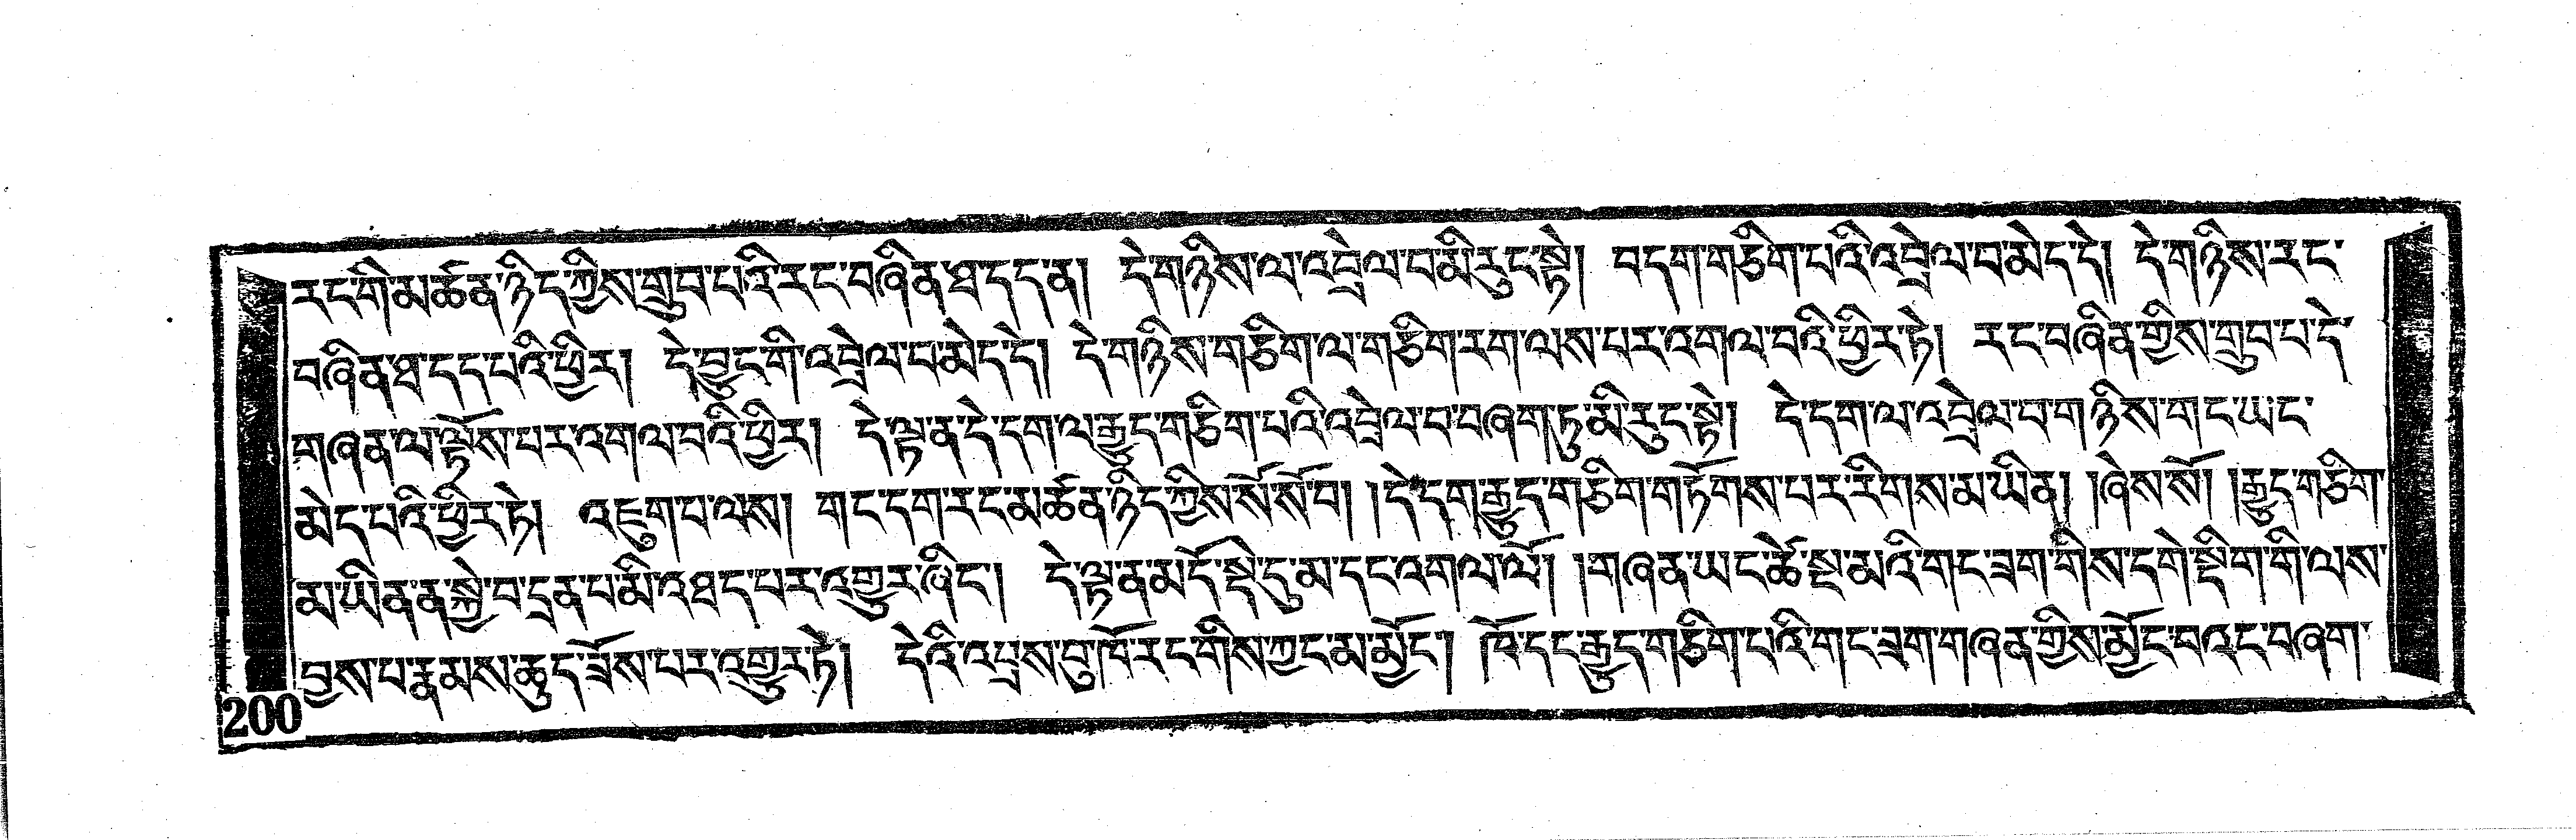རང་གི་མཚན་ཉིད་ཀྱིས་གྲུབ་པའི་རང་བཞིན་ཐ་དད་ན། དེ་གཉིས་ལ་འབྲེལ་བ་མི་རུང་སྟེ། བདག་གཅིག་པའི་འབྲེལ་བ་མེད་དེ། དེ་གཉིས་རང་
བཞིན་ཐ་དད་པའི་ཕྱིར། དེ་བྱུང་གི་འབྲེལ་བ་མེད་དེ། དེ་གཉིས་གཅིག་ལ་གཅིག་རག་ལས་པར་འགལ་བའི་ཕྱིར་ཏེ། རང་བཞིན་གྱིས་གྲུབ་པ་དེ་
གཞན་ལ་ལྟོས་པར་འགལ་བའི་ཕྱིར། དེ་ལྟ་ན་དེ་དག་ལ་རྒྱུད་གཅིག་པའི་འབྲེལ་བ་བཞག་ཏུ་མི་རུང་སྟེ། དེ་དག་ལ་འབྲེལ་བ་གཉིས་གང་ཡང་
མེད་པའི་ཕྱིར་ཏེ། འཇུག་པ་ལས། གང་དག་རང་མཚན་ཉིད་ཀྱིས་སོ་སོ་བ། །དེ་དག་རྒྱུད་གཅིག་གཏོགས་པར་རིགས་མ་ཡིན། །ཞེས་སོ། །རྒྱུད་གཅིག་
མ་ཡིན་ན་སྐྱེ་བ་དྲན་པ་མི་འཐད་པར་འགྱུར་ཞིང་། དེ་ལྟ་ན་མདོ་སྡེ་དུ་མ་དང་འགལ་ལོ། །གཞན་ཡང་ཚེ་སྔ་མའི་གང་ཟག་གིས་དགེ་སྡིག་གི་ལས་
བྱས་པ་རྣམས་ཆུད་ཟོས་པར་འགྱུར་ཏེ། དེའི་འབྲས་བུ་ཁོ་རང་གིས་ཀྱང་མ་མྱོང་། ཁོ་དང་རྒྱུད་གཅིག་པའི་གང་ཟག་གཞན་གྱིས་མྱོང་བའང་བཞག་